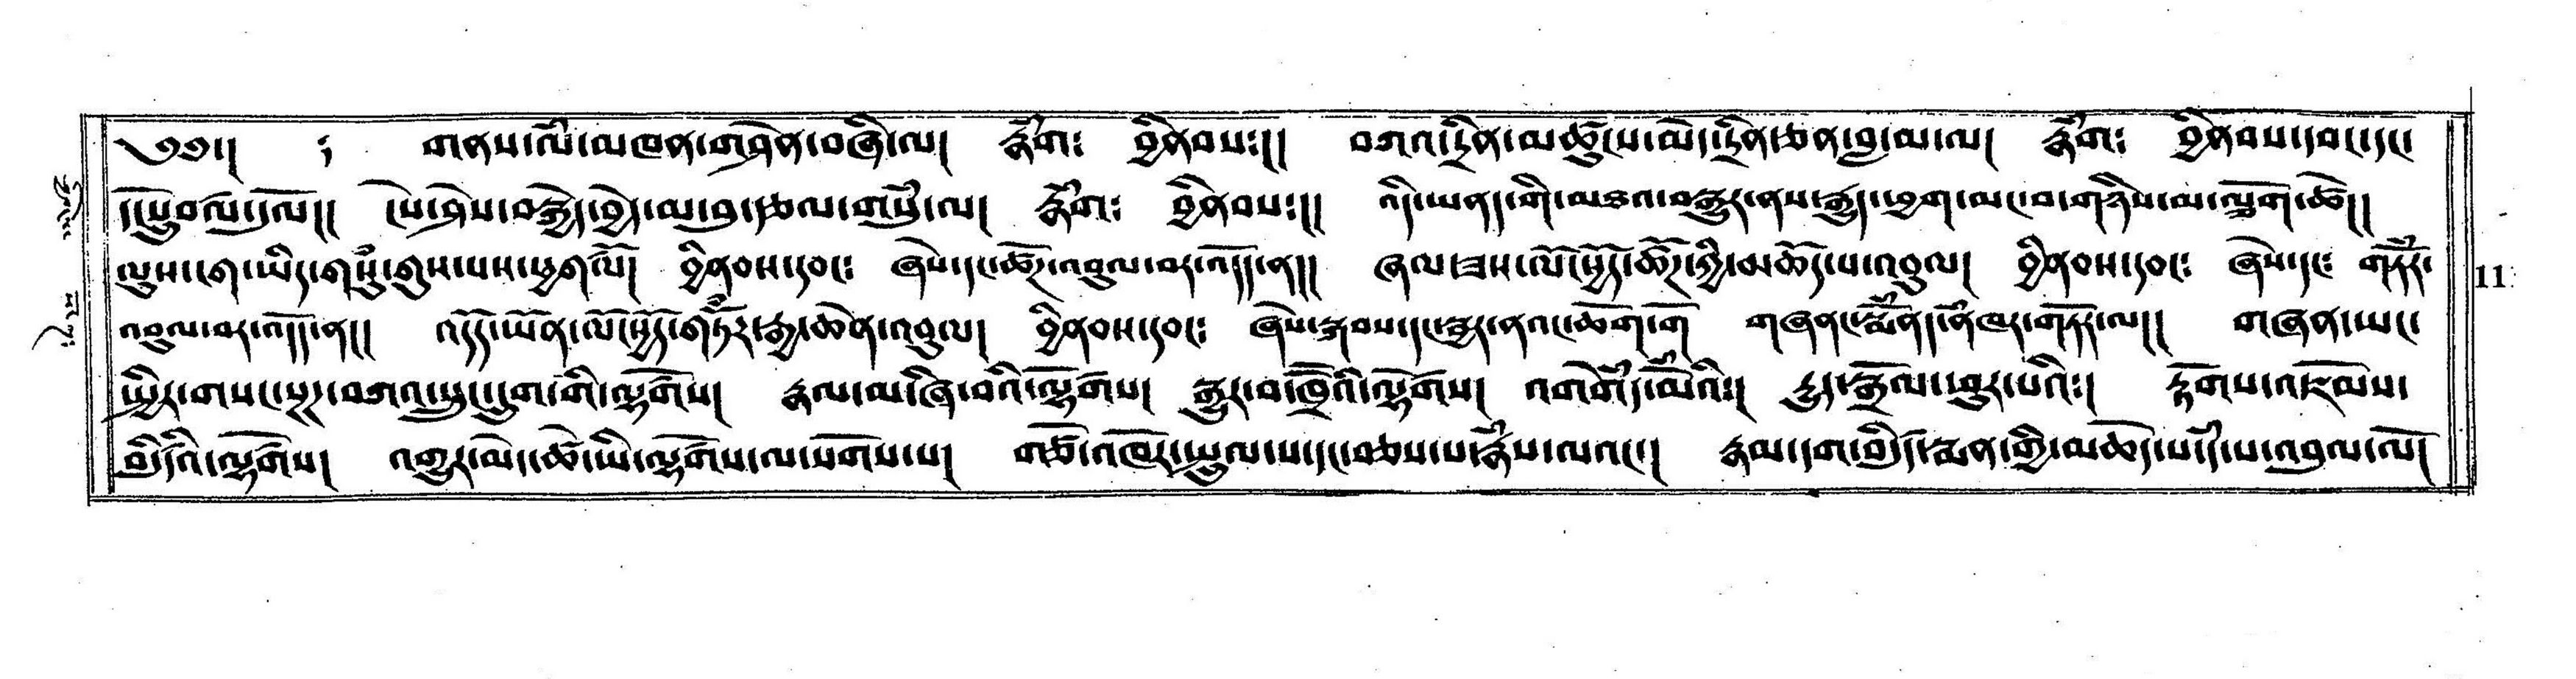གནས་ལམ་མཁན་གཤེན་བཞི་ལ། རྣམ་དག༴ བྱིན་རླབས༴།། བཀའ་དྲིན་མཚུངས་མེད་དྲིན་ཅན་བླ་མ་ལ། རྣམ་དག༴ བྱིན་རླབས་དབང་དང་
དངོས་གྲུབ་སྩལ་དུ་གསོལ།། ངེས་ཤེས་བསྐྱེད་བྱེད་མ་བུ་རྩལ་གསུམ་ལ། རྣམ་དག༴ བྱིན་རླབས༴།། འདི་ཡན་ཆད་གི་མཐའ་བསྒྱུར་ནས་རྒྱུད་ཕྱག་མང་བ་གཉིས་མ་ལྕོག་ཚེ།། 
ལུས་ངག་ཡིད་གསུམ་གུས་པས་ཕྱག་འཚལ་ལོ། བྱིན་རླབས་དབང་༴ ཞེས་དང་ཚོགས་འབུལ་བར་འདོད་ན།། ཞལ་ཟས་ལོངས་སྤྱོད་ཚོགས་ཀྱི་མཆོད་པ་འབུལ། བྱིན་རླབས་དབང་༴ ཞེས་དང་༴ གཏོར་མ་
འབུལ་བར་འདོད་ན།། འདོད་ཡོན་ལོངས་སྤྱོད་གཏོར་མ་རྒྱ་ཆེན་འབུལ། བྱིན་རླབས་དབང་༴ ཞེས་སྐབས་དང་སྦྱར་ནའང་ཆོག་གོ གཞན་ཡང་སྨན་མཆོད་ནམ་མཁར་གཏོར་ལ།། གཞན་ཡང་
སྤྱིར་གསང་སྔགས་བཀའ་སྲུང་དྲུག་གི་ལྷ་ཚོགས། རྣལ་མ་ཞི་བའི་ལྷ་ཚོགས། སྒྱུར་བ་ཁྲོ་བོའི་ལྷ་ཚོགས། འགག་མེད་མ་མོའི༴། རྒྱུད་སྒྲོལ་ཕུར་པའི༴། རྟོགས་འཇོམས་
བདུད་རྩིའི་ལྷ་ཚོགས། འགྱུར་མེད་ཚེ་ཡི་ལྷ་ཚོགས་ལ་སོགས་པ། གཙོ་འཁོར་སྤྲུལ་པ་དང་བཅས་པ་རྣམས་ལའང་། རྣམ་དག་བདུད་རྩི་སྨན་གྱི་མཆོད་པ་དམ་པ་འབུལ་ལོ།